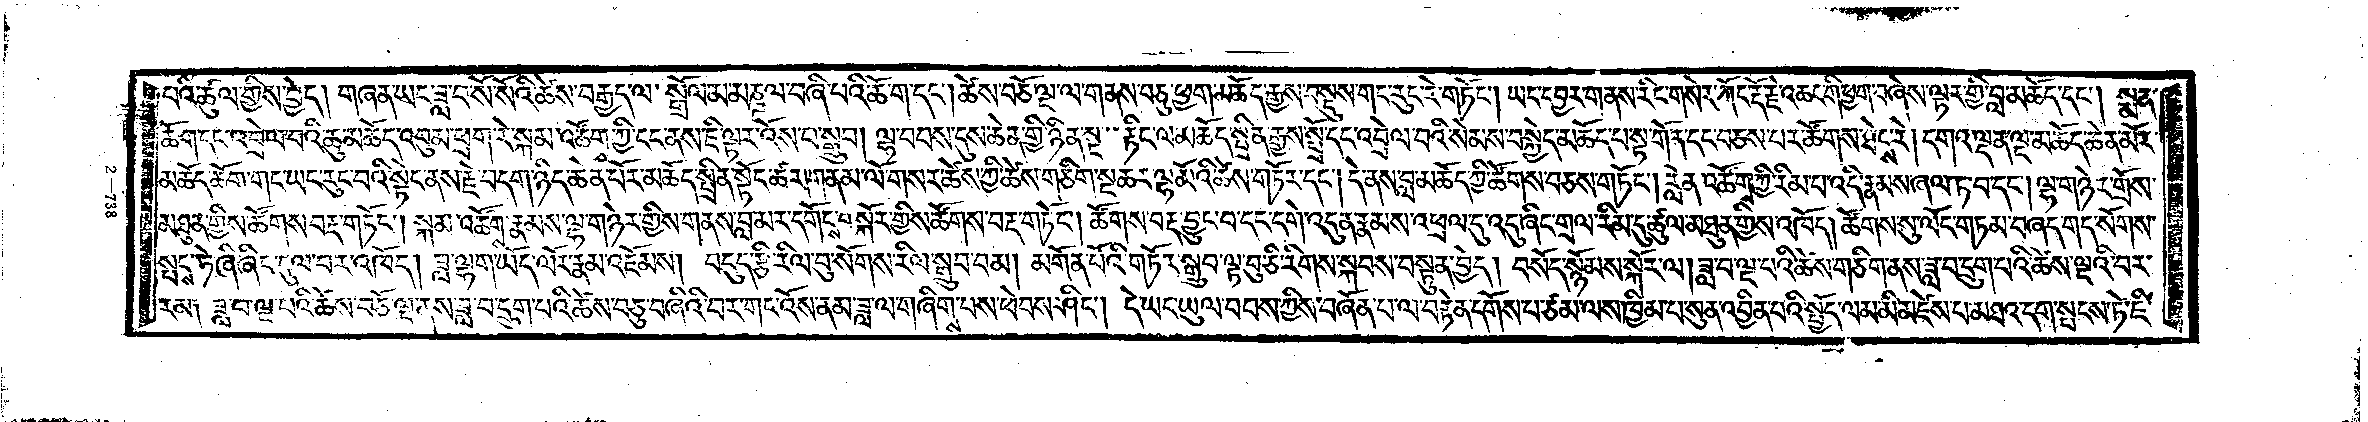པའི་ཚུལ་གྱིས་བྱེད། གཞན་ཡང་ཟླ་བ་སོ་སོའི་ཚེས་བརྒྱད་ལ་སྒྲོལ་མ་མཎྜལ་བཞི་པའི་ཆོ་ག་དང་། ཚེས་བཅོ་ལྔ་ལ་གནས་བཅུ་ཕྱག་མཆོད་རྒྱས་བསྡུས་གང་རུང་རེ་གཏོང་། ཡང་དབྱར་གནས་རིང་གསེར་ཀོང་རྡོ་རྗེ་འཆང་གི་ཕྱག་བཞེས་ལྟར་གྱི་བླ་མཆོད་དང་། སྨན་
ཆོག་དང་འབྲེལ་བའི་ཆུ་མཆོད་འབུམ་ཕྲག་རེ་སྐམ་འཚོག་ཀྱི་ངང་ནས་ཇི་ལྟར་འོས་བ་སྒྲུབ། ལྷ་བབས་དུས་ཆེན་གྱི་ཉིན་སྔ་རྟིང་ལ་མཆོད་སྤྲིན་རྒྱས་སྤྲོ་དང་འབྲེལ་བའི་སེམས་བསྐྱེད་མཆོད་པ་སྟ་གོན་དང་བཅས་པར་ཚོགས་ཐེངས་རེ། དགའ་ལྡན་ལྔ་མཆོད་ཆེན་མོར་
མཆོད་ཆོག་གང་ཡང་རུང་བའི་སྟེང་ནས་རྗེ་བདག་ཉིད་ཆེན་པོར་མཆོད་སྤྲིན་སྟོང་ཚར། གནམ་ལོ་གསར་ཚེས་ཀྱི་ཚེས་གཅིག་སྔ་ཆར་ལྷ་མོའི་ཚེས་གཏོར་དང་། དེ་ནས་བླ་མཆོད་ཀྱི་ཚོགས་བཅས་གཏོང་། རླེན་འཚོགས་ཀྱི་རིམ་པ་འདི་རྣམས་ཞལ་ཏ་བ་དང་། ལྷ་གཉེར་གྲོས་
མཐུན་གྱིས་ཚོགས་བརྡ་གཏོང་། སྐམ་འཚོགས་རྣམས་ལྷ་གཉེར་གྱིས་གནས་བླ་མར་དགོངས་བསྐོར་གྱིས་ཚོགས་བརྡ་གཏོང་། ཚོགས་བརྡ་བྱུང་བ་དང་དགེ་འདུན་རྣམས་འཕྲལ་དུ་འདུ་ཞིང་གྲལ་རིམ་དུ་ཚུལ་མཐུན་གྱིས་འཁོད། ཚོགས་སུ་ལོང་གཏམ་བཞད་གད་སོགས་
སྤངས་ཏེ་ཞི་ཞིང་དུལ་བར་འཁོད། ཟླ་ལྷག་ཡོད་ལོར་རྣམ་འཇོམས། བདུད་རྩི་རིལ་བུ་སོགས་རིལ་སྒྲུབ་བམ། མགོན་པོའི་གཏོར་སྒྲུབ་ལྟ་བུ་ཅི་རིགས་སྐབས་བསྟུན་བྱེད། བསོད་སྙོམས་སྐོར་ལ། ཟླ་བ་ལྔ་པའི་ཚེས་གཅིག་ནས་ཟླ་བ་དྲུག་པའི་ཚེས་ལྔའི་བར་
རམ༑ ཟླ་བ་ལྔ་པའི་ཚེས་བཅོ་ལྔ་ནས་ཟླ་བ་དྲུག་པའི་ཚེས་བཅུ་བཞིའི་བར་གང་འོས་ནམ་ཟླ་ལ་གཞིགས་པས་ཕེབས་ཤིང་། དེ་ཡང་ཡུལ་བབས་ཀྱིས་བཞོན་པ་ལ་བརྟེན་དགོས་པ་ཙམ་ལས་ཁྱིམ་པ་སུན་འབྱིན་པའི་སྤྱོད་ལམ་མི་མཛེས་པ་མཐའ་དག་སྤངས་ཏེ་ཛི་